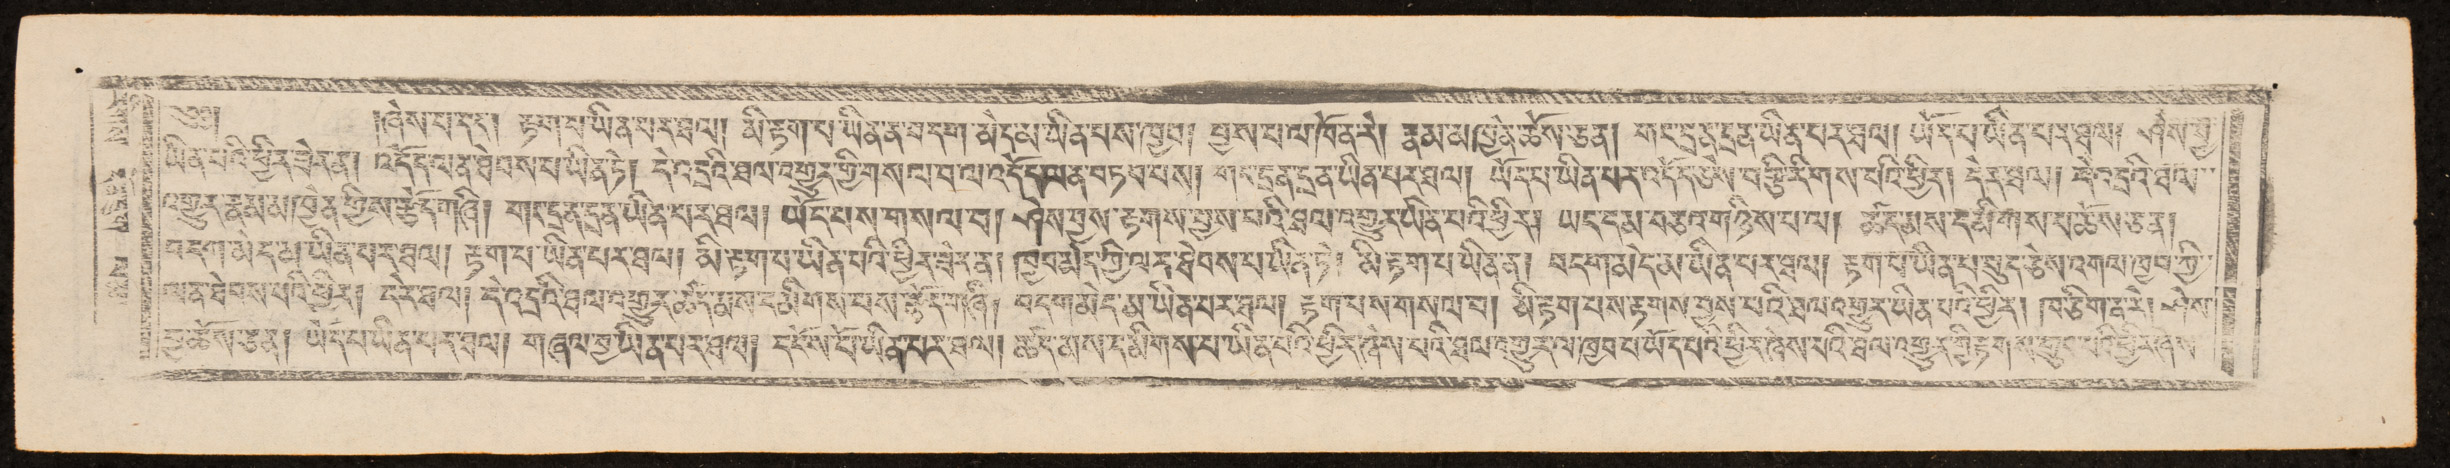༄༅། །ཞེས་པ་དང་། རྟག་པ་ཡིན་པར་ཐལ། མི་རྟག་པ་ཡིན་ན་བདག་མེད་མ་ཡིན་པས་ཁྱབ། བྱས་པ་ལ་ཁོ་ན་རེ། རྣམ་མཁྱེན་ཆོས་ཅན། གང་དྲན་དྲན་ཡིན་པར་ཐལ། ཡོད་པ་ཡིན་པར་ཐལ། ཤེས་བྱ་
ཡིན་པའི་ཕྱིར་ཟེར་ན། འདོད་ལན་ཐེབས་པ་ཡིན་ཏེ། དེ་འདྲའི་ཐལ་འགྱུར་གྱི་གསལ་བ་ལ་འདོད་ལན་བཏབ་པས། གང་དྲན་དྲན་ཡིན་པར་ཐལ། ཡོད་པ་ཡིན་པར་འདོད་ཅེས་བརྩི་རིགས་པའི་ཕྱིར། དེར་ཐལ། དེ་འདྲའི་ཐལ་
འགྱུར་རྣམ་མཁྱེན་གྱིས་རྩོད་གཞི། གང་དྲན་དྲན་ཡིན་པར་ཐལ། ཡོད་པས་གསལ་བ། ཤེས་བྱས་རྟགས་བྱས་པའི་ཐལ་འགྱུར་ཡིན་པའི་ཕྱིར། ཡང་དམ་བཅའ་གཉིས་པ་ལ། ཚད་མས་དམིགས་པ་ཆོས་ཅན།
བདག་མེད་མ་ཡིན་པར་ཐལ། རྟག་པ་ཡིན་པར་ཐལ། མི་རྟག་པ་ཡིན་པའི་ཕྱིར་ཟེར་ན། ཁྱབ་མེད་ཀྱི་ལན་ཐེབས་པ་ཡིན་ཏེ། མི་རྟག་པ་ཡིན་ན། བདག་མེད་མ་ཡིན་པར་ཐལ། རྟག་པ་ཡིན་པ་བུད་ཅེས་འགལ་ཁྱབ་ཀྱི་
ལན་ཐེབས་པའི་ཕྱིར། དེར་ཐལ། དེ་འདྲའི་ཐལ་འགྱུར་ཚད་མས་དམིགས་པས་རྩོད་གཞི། བདག་མེད་མ་ཡིན་པར་ཐལ། རྟག་པས་གསལ་བ། མི་རྟག་པས་རྟགས་བྱས་པའི་ཐལ་འགྱུར་ཡིན་པའི་ཕྱིར། ཁ་ཅིག་ན་རེ། ཤེས་
བྱ་ཆོས་ཅན། ཡོད་པ་ཡིན་པར་ཐལ། གཞལ་བྱ་ཡིན་པར་ཐལ། དངོས་པོ་ཡིན་པར་ཐལ། ཚད་མས་དམིགས་པ་ཡིན་པའི་ཕྱིར་ཞེས་པའི་ཐལ་འགྱུར་ལ་ཁྱབ་པ་ཡོད་པའི་ཕྱིར་ཞེས་པའི་ཐལ་འགྱུར་གྱི་རྟགས་གྲུབ་པའི་ཕྱིར་ཞེས་